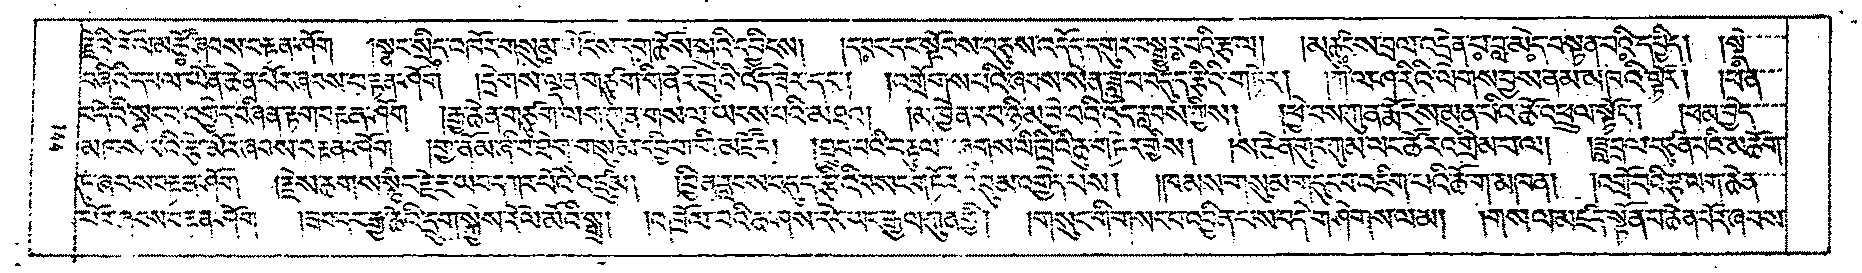རྗེའི་རོལ་མཚོ་ཞབས་བརྟན་ཤོག །སྣང་སྲིད་འཁོར་གསུམ་ཡོངས་དག་ཆོས་སྐུའི་དབྱིངས། །དབང་དང་སྟོབས་བཅུས་འདོད་དགུར་བསྒྱུར་བའི་རྩལ། །མཚུངས་བྲལ་འདྲེན་པ་བླ་མེད་བསྟན་པའི་དཔྱིད། །སྡེ་
བཞིའི་དཔལ་ཡོན་ཆེན་པོར་ཞབས་བརྟན་ཤོག །དྲེགས་ལྡན་གཙུག་གི་ནོར་བུའི་འོད་ཟེར་དང་། །འགྲོགས་པའི་ཞབས་སེན་ཟླ་བ་བདུད་རྩིའི་གཏེར། །ཀེ་ལ་ཤ་རིའི་ལེགས་བྱས་ནམ་མཁའི་ལྟོར། །ཕན་
བདེའི་སྣང་བ་འགྱེད་བཞིན་རྟག་བརྟན་ཤོག །རྒྱ་ཆེན་གཙུག་ལག་ཀུན་གསལ་ཡངས་པའི་མཐའ། །མཁྱེན་རབ་ཉི་མ་བྱེ་བའི་འོད་རླབས་ཀྱིས། །ཕྱེ་བས་ཀུན་རྨོངས་མུན་པའི་ཆོ་འཕྲུལ་སྟོང་། །ཕམ་བྱེད་
མཁས་པའི་རྩེ་མོར་ཞབས་བརྟན་ཤོག །གྱ་ནོམ་ཞི་བ་ཐེག་གསུམ་དབྱིག་གི་མཛོད། །ཐུབ་པའི་བརྟུལ་ཞུགས་ལི་ཁྲིའི་ཆུ་གཏེར་གྱིས། །ས་ཆེན་གུར་ཀུམ་ལང་ཚོར་འགྲེམ་པ་ལ། །ཟླ་བྲལ་བཙུན་པའི་མཆོག་
ཏུ་ཞབས་བརྟན་ཤོག །རྗེས་ཆགས་སྙིང་རྗེ་རྔ་ཡབ་དཀར་པོའི་འཛུམ། །བྱིན་རླབས་བདུད་རྩིའི་བསང་གཏོར་འབུམ་འགྱེད་པས། །ཁམས་གསུམ་གདུང་བ་འཇིག་པའི་ཆོ་ག་མཁན། །འགྲོ་བའི་རྩ་ལག་ཆེན་
པོར་ཞབས་བརྟན་ཤོག །ཟབ་དང་རྒྱ་ཚོའི་དྲུག་སྐྱེས་རོལ་མོའི་སྒྲ། །འཁྲོལ་བའི་ཆ་ཤས་རེར་ཡང་རྒྱལ་ཀུན་གྱི། །གསུང་གི་གསང་བ་འབྱིན་པས་བདེ་གཤེགས་ལམ། །གསལ་མཛད་སྟོན་པ་ཆེན་པོར་ཞབས་